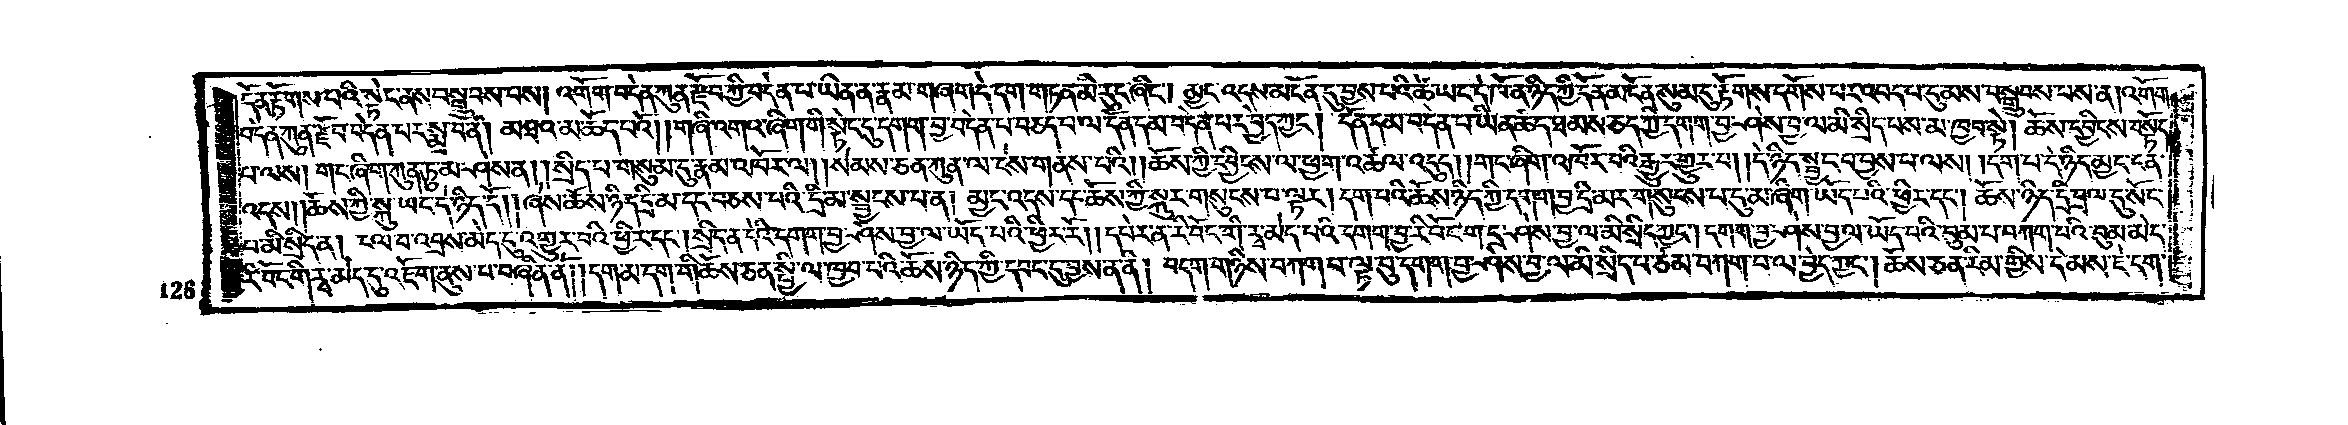དོན་རྟོགས་པའི་སྟེང་ནས་བསྒྲུབས་པས། འགོག་བདེན་ཀུན་རྫོབ་ཀྱི་བདེན་པ་ཡིན་ན་རྣམ་བཞག་དེ་དག་གཏན་མི་རུང་ཞིང་མྱང་འདས་མངོན་དུ་བྱས་པའི་ཚེ་ཡང་དེ་ཁོ་ན་ཉིད་ཀྱི་དོན་མངོན་སུམ་དུ་རྟོགས་དགོས་པར་འབད་པ་དུ་མས་བསྒྲུབས་པས་ན། འགོག་
བདེན་ཀུན་རྫོབ་བདེན་པར་སྨྲ་བ་ནི། མཐའ་མ་ཆོད་པའོ། །གཞི་འགའ་ཞིག་གི་སྟེང་དུ་དགག་བྱ་བདེན་པ་བཅད་པ་ལ་དོན་དམ་བདེན་པར་བྱེད་ཀྱང་། དོན་དམ་བདེན་པ་ཡིན་ཚད་ཐམས་ཅད་ཀྱི་དགག་བྱ་ཤེས་བྱ་ལ་མི་སྲིད་པས་མ་ཁྱབ་སྟེ། ཆོས་དབྱིངས་བསྟོད་
པ་ལས། གང་ཞིག་ཀུན་ཏུ་མ་ཤེས་ན། །སྲིད་པ་གསུམ་དུ་རྣམ་འཁོར་ལ། །སེམས་ཅན་ཀུན་ལ་ངེས་གནས་པའི། །ཆོས་ཀྱི་དབྱིངས་ལ་ཕྱག་འཚལ་འདུད། །གང་ཞིག་འཁོར་བའི་རྒྱུར་གྱུར་པ། །དེ་ཉིད་སྤྱད་པ་བྱས་པ་ལས། །དག་པ་དེ་ཉིད་མྱང་ངན་
འདས། །ཆོས་ཀྱི་སྐུ་ཡང་དེ་ཉིད་དོ། །ཞེས་ཆོས་ཉིད་དྲི་མ་དང་བཅས་པའི་དྲི་མ་སྦྱངས་པ་ན། མྱང་འདས་དང་ཆོས་ཀྱི་སྐུར་གསུངས་པ་ལྟར། དག་པའི་ཆོས་ཉིད་ཀྱི་དགག་བྱ་དྲི་མར་གསུངས་པ་དུ་མ་ཞིག་ཡོད་པའི་ཕྱིར་དང་། ཆོས་ཉིད་དྲི་བྲལ་དུ་སོང་
པ་མི་སྲིད་ན། ངལ་བ་འབྲས་མེད་དུ་འགྱུར་བའི་ཕྱིར་དང་། སྲིད་ན་དེའི་དགག་བྱ་ཤེས་བྱ་ལ་ཡོད་པའི་ཕྱིར་རོ། །དཔེར་ན་རི་བོང་གི་རྭ་མེད་པའི་དགག་བྱ་རི་བོང་གི་རྭ་ཤེས་བྱ་ལ་མི་སྲིད་ཀྱང་། དགག་བྱ་ཤེས་བྱ་ལ་ཡོད་པའི་བུམ་པ་བཀག་པའི་བུམ་མེད་
རི་བོང་གི་རྭ་མེད་དུ་འཇོག་ནུས་པ་བཞིན་ནོ། །དག་མ་དག་གི་ཆོས་ཅན་སྤྱི་ལ་ཁྱབ་པའི་ཆོས་ཉིད་ཀྱི་དབང་དུ་བྱས་ན་ནི། བདག་གཉིས་བཀག་པ་ལྟ་བུ་དགག་བྱ་ཤེས་བྱ་ལ་མི་སྲིད་པ་ཙམ་བཀག་པ་ལ་བྱེད་ཀྱང་། ཆོས་ཅན་རིམ་གྱིས་དྲི་མས་ཇེ་དག་